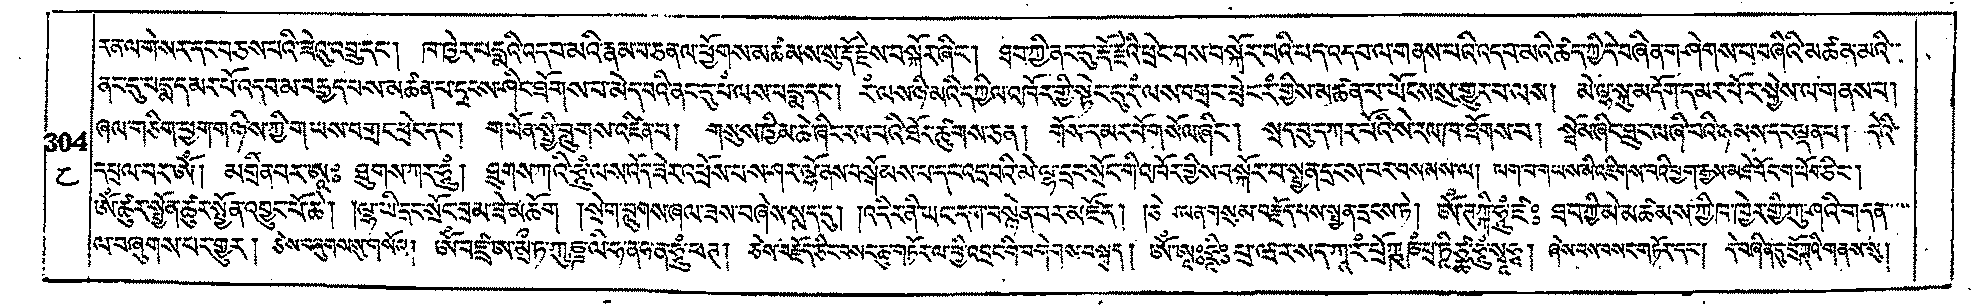རན་ལ་གེ་སར་དང་བཅས་པའི་ཟེའུ་འབྲུ་དང་། ཁ་ཁྱེར་པདམའི་འདབ་མའི་རྣམ་པ་ཅན་ལ་ཕྱོགས་མཚམས་སུ་རྡོ་རྗེས་བསྐོར་ཞིང་། ཐབ་ཀྱི་ནང་དུ་རྡོ་རྗེའི་ཕྲེང་བས་བསྐོར་བའི་པད་འདབ་ལ་གནས་པའི་འདབ་མའི་ཚད་ཀྱི་དེ་བཞིན་གཤེགས་པ་བཞིའི་མཚན་མའི་་་
ནང་དུ་པདམ་དམར་པོ་འདབ་མ་བརྒྱད་པས་མཚན་པ་དྭངས་ཤིང་ཐོགས་པ་མེད་པའི་ནང་དུ་པཾ་ལས་པདམ་དང་། རཾ་ལས་ཉི་མའི་དཀྱིལ་འཁོར་གྱི་སྟེང་དུ་རཾ་ལས་བགྲང་ཕྲེང་རཾ་གྱིས་མཚན་པ་ཡོངས་སུ་གྱུར་པ་ལས། མེ་ལྷ་སྐུ་མདོག་དམར་པོ་ར་སྐྱེས་ལ་གནས་པ།
ཞལ་གཅིག་ཕྱག་གཉིས་ཀྱི་གཡས་བགྲང་ཕྲེང་དང་། གཡོན་སྤྱི་བླུགས་འཛིན་པ། གསུས་ཁྱིམ་ཆེ་ཞིང་རལ་པའི་ཐོར་ཚུགས་ཅན། གོས་དམར་པོ་གསོལ་ཞིང་། སྲད་བུ་དཀར་པོའི་སེ་རལ་ཁ་ཐོགས་པ། སྦོམ་ཞིང་ཐུང་ལ་ཞི་བའི་ཉམས་དང་ལྡན་པ། དེའི་
དཔྲལ་བར་ཨོཾ། མགྲིན་པར་ཨཱཿ ཐུགས་དཀར་ཧཱུཾ། ཐུགས་ཀའི་ཧཱུཾ་ལས་འོད་ཟེར་འཕྲོས་པས་ཤར་ལྷོ་ནས་བསྒོམས་པ་དང་འདྲ་བའི་མེ་ལྷ་དང་དྲང་སྲོང་གི་འཁོར་གྱི་བསྐོར་བ་སྤྱན་དྲངས་པར་བསམས་ལ། ལག་པ་གཡས་མི་འཇིགས་པའི་ཕྱག་རྒྱས་མཐེ་བོང་གཡོབ་ཅིང་།
ཨོཾ་ཚུར་སྤྱོན་ཚུར་སྤྱོན་འབྱུང་པོ་ཆེ། །ལྷ་ཡི་དྲང་སྲོང་བྲམ་ཟེ་མཆོག །སྲེག་བླུགས་ཞལ་ཟས་བཞེས་སླད་དུ། །འདིར་ནི་ཡང་དག་བསྙེན་པར་མཛོད། །ཅེས་ལན་གསུམ་བརྗོད་པས་སྤྱན་དྲངས་ཏེ།  ཨོཾ་ཊཀྐི་ཧཱུཾ་ཛཿ ཐབ་ཀྱི་མེ་མཚམས་ཀྱི་ཁ་ཁྱེར་ཀྱི་ཀུ་ཤའི་གདན་་་
ལ་བཞུགས་པར་གྱུར། ཅེས་བཞུགས་སུ་གསོལ།  ཨོཾ་བཛྲ་ཨ་མྲི་ཏ་ཀུཎྜ་ལི་ཧ་ན་ཧ་ན་ཧཱུཾ་ཕད། ཅེས་བརྗོད་ཅིང་བསང་ཆུ་གཏོར་ལ་ཕྱི་འབྲང་གི་བགེགས་བསྐྲད།  ཨོཾ་ཨཱཿཧྲཱིཿཔྲ་ཝ་ར་སད་ཀཱ་རཾ་པྲོཀྵ་ཎཾ་པྲ་ཏཱི་ཙྪ་ཧཱུཾ་སྭཱཧཱ། ཞེས་པས་བསང་གཏོར་དང་། དེ་བཞིན་དུ་བྲོཀྵའི་གནས་སུ།